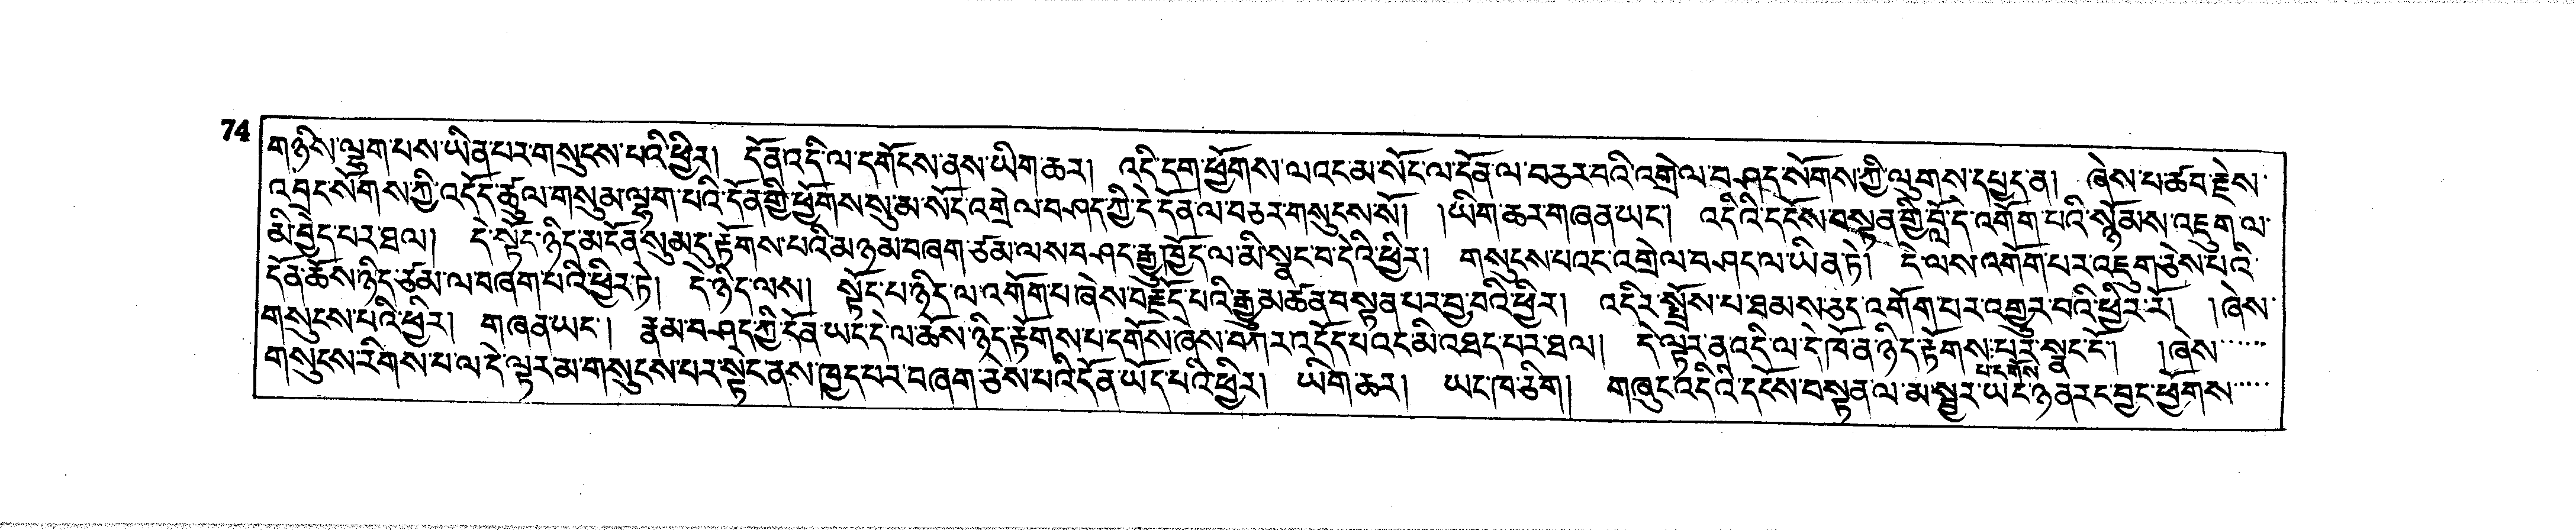གཉིས་ལྷག་པས་ཡིན་པར་གསུངས་པའི་ཕྱིར། དོན་འདི་ལ་དགོངས་ནས་ཡིག་ཆར། འདི་དག་ཕྱོགས་ལའང་མ་སོང་ལ་དོན་ལ་བཅར་བའི་འགྲེལ་བཤད་སོགས་ཀྱི་ལུགས་དཔྱད་ན། ཞེས་པ་ཚབ་རྗེས་
འབྲང་སོགས་ཀྱི་འདོད་ཚུལ་གསུམ་ལྷག་པའི་དོན་གྱི་ཕྱོགས་སུ་མ་སོང་འགྲེལ་བཤད་ཀྱི་དེ་དོན་ལ་བཅར་གསུངས་སོ། །ཡིག་ཆར་གཞན་ཡང་། འདིའི་དངོས་བསྟན་གྱི་བློ་དེ་འགོག་པའི་སྙོམས་འཇུག་ལ་
མི་བྱེད་པར་ཐལ། དེ་སྟོང་ཉིད་མངོན་སུམ་དུ་རྟོགས་པའི་མཉམ་བཞག་ཙམ་ལས་བཤད་རྒྱུ་ཁྱོད་ལ་མི་སྣང་བ་དེའི་ཕྱིར། གསུངས་པའང་འགྲེལ་བཤད་ལ་ཡིན་ཏེ། དེ་ལས་འགོག་པར་འཇུག་ཅེས་པའི་
དོན་ཆོས་ཉིད་ཙམ་ལ་བཞག་པའི་ཕྱིར་ཏེ། དེ་ཉིད་ལས། སྟོང་པ་ཉིད་ལ་འགོག་པ་ཞེས་བརྗོད་པའི་རྒྱུ་མཚན་བསྟན་པར་བྱ་བའི་ཕྱིར། འདིར་སྤྲོས་པ་ཐམས་ཅད་འགོག་པར་འགྱུར་བའི་ཕྱིར་རོ། །ཞེས་
གསུངས་པའི་ཕྱིར། གཞན་ཡང་། རྣམ་བཤད་ཀྱི་དོན་ཡང་དེ་ལ་ཆོས་ཉིད་རྟོགས་པ་དགོས་ཞེས་བཀར་འདོད་པའང་མི་འཐད་པར་ཐལ། དེ་ལྟར་ན་འདི་ལ་དེ་ཁོ་ན་ཉིད་རྟོགས་པ་དགོས་པར་སྣང་ངོ། །ཞེས་
གསུངས་རིགས་པ་ལ་དེ་ལྟར་མ་གསུངས་པར་སྟེང་ནས་ཁྱད་པར་བཞག་ཅེས་པའི་དོན་ཡོད་པའི་ཕྱིར། ཡིག་ཆར། ཡང་ཁ་ཅིག །གཞུང་འདིའི་དངོས་བསྟན་ལ་མ་སྦྱར་ཡང་ཉན་རང་བྱང་ཕྱོགས་